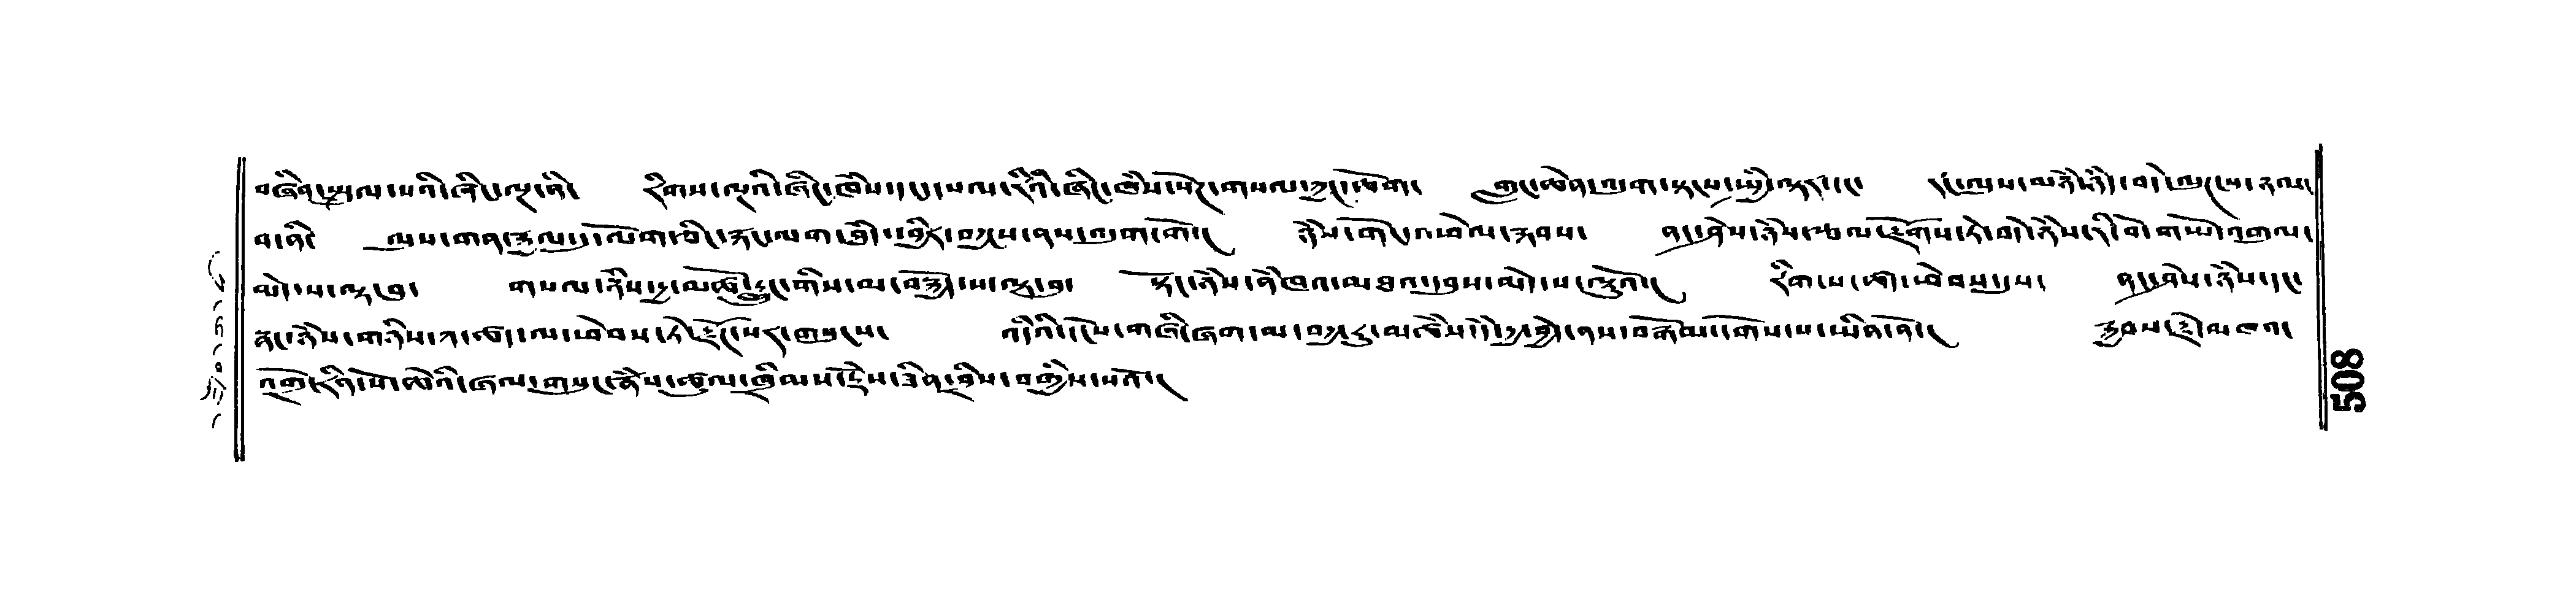བཞིན་སྤྲུལ་པའི་ཞིང་ལྔ་ནི།རིགས་ལྔའི་ཞིང་ཁམས་དང་དཔལ་རིའི་ཞིང་ཁམས་སོགས་གསལ་ཀྱང་ཆོག གླང་ཆེན་འདུག་སྟངས་སྤྱི་ལྟར་དང་། རང་ལུས་མཉམ་ཉིད་བདེ་ལུགས་སུ་ཉལ་
བ་ནི། ལུས་གན་རྐྱལ་དུ་ལོག་ཅིང་རྐང་ལག་ཐམས་ཅད་ཕྱིར་བརྒྱངས་ནས་འདུག་གོ ཉམས་གོང་འཕེལ་སྐབས། ནང་ཤེས་ཉམས་རྩལ་རྫོགས་ཏེ་བདེ་ཉམས་རི་བོ་གཡོ་འགུལ་
མེད་པ་ལྟ་བུ། གསལ་ཉམས་རྒྱ་མཚོ་རླུང་གིས་མ་བསྐྱོད་པ་ལྟ་བུ། སྟོང་ཉམས་ནམ་མཁའ་མཐའ་དབུས་མེད་པ་ལྟ་བུའོ། རིག་པ་ཚད་ཕེབས་དུས། ནང་ཤེས་ཉམས་དང་
སྣང་ཉམས་གཉིས་ཀ་ཚད་ལ་ཕེབས་ཏེ་རྫོགས་པར་གསུངས། འདིའི་དངོས་གཞི་ཞག་མ་བརྒྱ་རུ་མཚམས་དམ་རྒྱ་བྱེད་ནས་བསྒོམ་དགོས་པ་ཡིན་ནོ། སྐྱབས་རྗེ་མཁའ་
འགྲོ་རིན་པོ་ཆེའི་ཞལ་གསུང་རྣམས་ཚུལ་ཁྲིམས་རྡོ་རྗེས་ཟིན་བྲིས་བགྱིས་པའོ།།